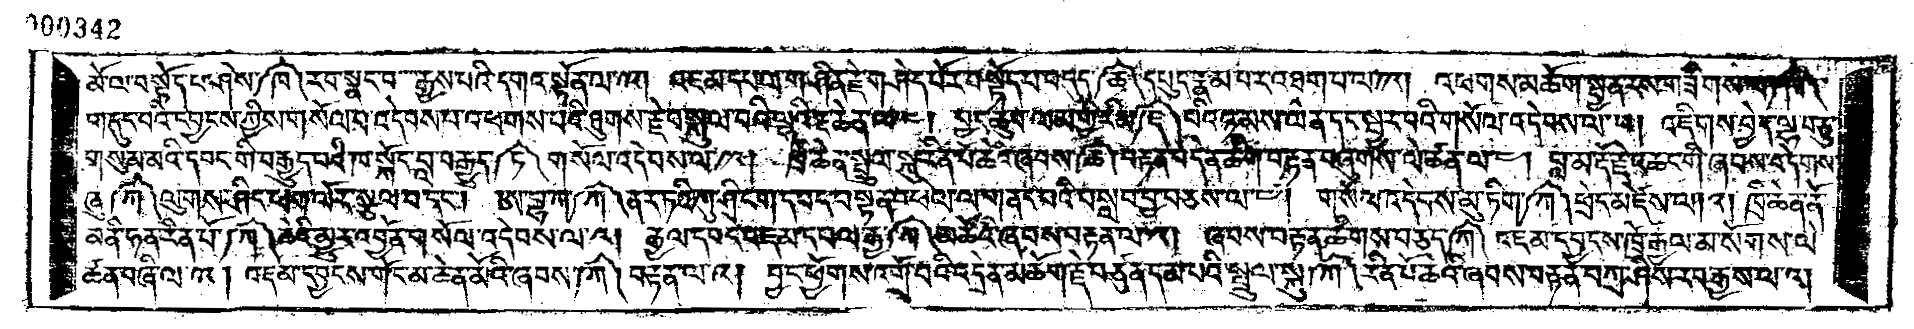མོ་ལ་བསྟོད་པ་ཤིས ༼ཁ༽ རབ་སྣང་བ་རྒྱས་པའི་དགའ་སྟོན་ལ ༣། འཇམ་དཔལ་གཤིན་རྗེ་གཤེད་པོར་བསྟོད་པ་བདུད ༼ཆ༽ དཔུང་རྣམ་པར་འཐག་པ་ལ ༣། འཕགས་མཆོག་སྤྱན་རས་གཟིགས་ལ ༼ཁ༽
གདུང་བའི་དབྱངས་ཀྱིས་གསོལ་བ་འདེབས་པ་འཕགས་པའི་ཐུགས་རྗེ་བསྐུལ་བའི་ལྷའི་རྔ་ཆེན་ལ ༤། བྱང་ཆུབ་ལམ་གྱི་རིམ ༼ཇ༽ པའི་ཉམས་ལེན་དང་སྦྱར་བའི་གསོལ་འདེབས་ལ ༥། འཇིགས་བྱེད་ལྷ་བཅུ་
གསུམ་མའི་དབང་གི་བརྒྱུད་པའི་ཁ་སྐོང་བླ་བརྒྱུད ༼ཏ༽ གསོལ་འདེབས་ལ ༣། ཁྲི་ཆེན་སྤྲུལ་སྐུ་རིན་པོ་ཆེའི་ཞབས ༼ཆ༽ བརྟན་བདེན་ཚིག་བརྟན་བཞུགས་ལེ་ཚན་ལ ༤། བླ་མ་རྡོ་རྗེ་འཆང་གི་ཞབས་འདེགས་
ཞུ ༼ཀ༽ ལུགས་ཤིང་ཕག་ལོར་སྩལ་བ་དང་། ཨབྷ་ཀ ༼ཀ༽ ནར་ཏའི་ཀུ་ཤྲི་ངག་དབང་བསྟན་འཕེལ་ལ་གནང་བའི་བསླབ་བྱ་བཅས་ལ ༤། གསོལ་འདེབས་མུ་ཏིག ༼ཀ༽ ཕྲེད་མཛེས་ལ། ༢། ཁྲི་ཆེན་ནོ་
མ་ནི་ཧན་རིན་པོ ༼ཀ༽ ཆེའི་མྱུར་འབྱོན་གསོལ་འདེབས་ལ ༢། རྒྱལ་དབང་འཇམ་དཔལ་རྒྱ ༼ཀ༽ མཚོའི་ཞབས་བརྟན་ལ ༢། ཞབས་བརྟན་ཚིགས་བཅད ༼ཀ༽ འཇམ་དབྱངས་ཁྲོ་རྒྱལ་མ་སོགས་ལེ་
ཚན་བཞི་ལ ༣། འཇམ་དབྱངས་གོང་མ་ཆེན་མོའི་ཞབས ༼ཀ༽ བརྟན་ལ ༢། བྱང་ཕྱོགས་འགྲོ་བའི་འདྲེན་མཆོག་རྗེ་བཙུན་དམ་པའི་སྤྲུལ་སྐུ ༼ཀ༽ རིན་པོ་ཆེའི་ཞབས་བརྟན་བཀྲ་ཤིས་རབ་རྒྱས་ལ ༢